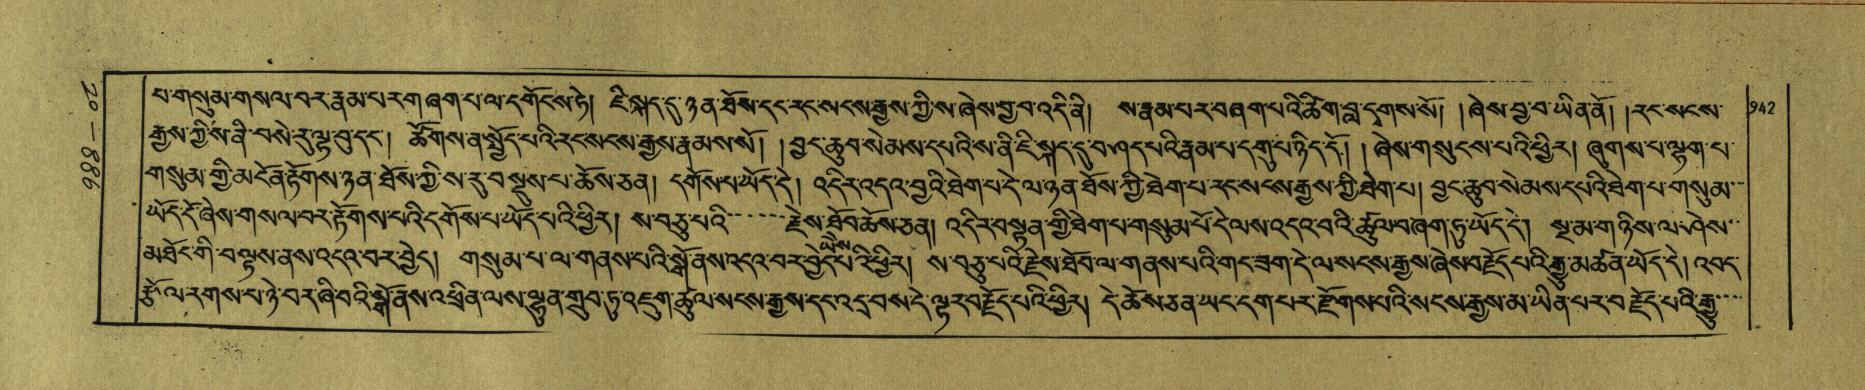པ་གསུམ་གསལ་བར་རྣམ་པར་གཞག་པ་ལ་དགོངས་ཏེ། ཇི་སྐད་དུ་ཉན་ཐོས་དང་རང་སངས་རྒྱས་ཀྱི་ས་ཞེས་བྱ་བ་འདི་ནི། ས་རྣམ་པར་བཞག་པའི་ཚིག་བླ་དྭགས་སོ། །ཞེས་བྱ་བ་ཡིན་ནོ། །རང་སངས་
རྒྱས་ཀྱི་ས་ནི་བསེ་རུ་ལྟ་བུ་དང་། ཚོགས་ན་སྤྱོད་པའི་རང་སངས་རྒྱས་རྣམས་སོ། །བྱང་ཆུབ་སེམས་དཔའི་ས་ནི་ཇི་སྐད་དུ་བཤད་པའི་རྣམ་པ་དགུ་པ་ཉིད་དོ། །ཞེས་གསུངས་པའི་ཕྱིར། ཞུགས་པ་ལྷག་པ་
གསུམ་གྱི་མངོན་རྟོགས་ཉན་ཐོས་ཀྱི་ས་རུ་བསྡུས་པ་ཆོས་ཅན། དགོས་པ་ཡོད་དེ། འདིར་འདའ་བྱའི་ཐེག་པ་དེ་ལ་ཉན་ཐོས་ཀྱི་ཐེག་པ་རང་སངས་རྒྱས་ཀྱི་ཐེག་པ། བྱང་ཆུབ་སེམས་དཔའི་ཐེག་པ་གསུམ་
ཡོད་དོ་ཞེས་གསལ་བར་རྟོགས་པའི་དགོས་པ་ཡོད་པའི་ཕྱིར། ས་བཅུ་པའི་རྗེས་ཡེས་ཐོབ་ཆོས་ཅན། འདིར་བསྟན་གྱི་ཐེག་པ་གསུམ་པོ་དེ་ལས་འདའ་བའི་ཚུལ་བཞག་ཏུ་ཡོད་དེ། སྔ་མ་གཉིས་ལ་ཤེས་
མཐོང་གི་བལྟས་ནས་འདའ་བར་བྱེད། གསུམ་པ་ལ་གནས་པའི་སྒོ་ནས་འདའ་བར་བྱེད་པའི་ཕྱིར། ས་བཅུ་པའི་རྗེས་ཐོབ་ལ་གནས་པའི་གང་ཟག་དེ་ལ་སངས་རྒྱས་ཞེས་བརྗོད་པའི་རྒྱུ་མཚན་ཡོད་དེ། འབད་
རྩོལ་རགས་པ་ཉེ་བར་ཞི་བའི་སྒོ་ནས་འཕྲིན་ལས་ལྷུན་གྲུབ་ཏུ་འཇུག་ཚུལ་སངས་རྒྱས་དང་འདྲ་བས་དེ་ལྟར་བརྗོད་པའི་ཕྱིར། དེ་ཆོས་ཅན་ཡང་དག་པར་རྫོགས་པའི་སངས་རྒྱས་མ་ཡིན་པར་བརྗོད་པའི་རྒྱུ་